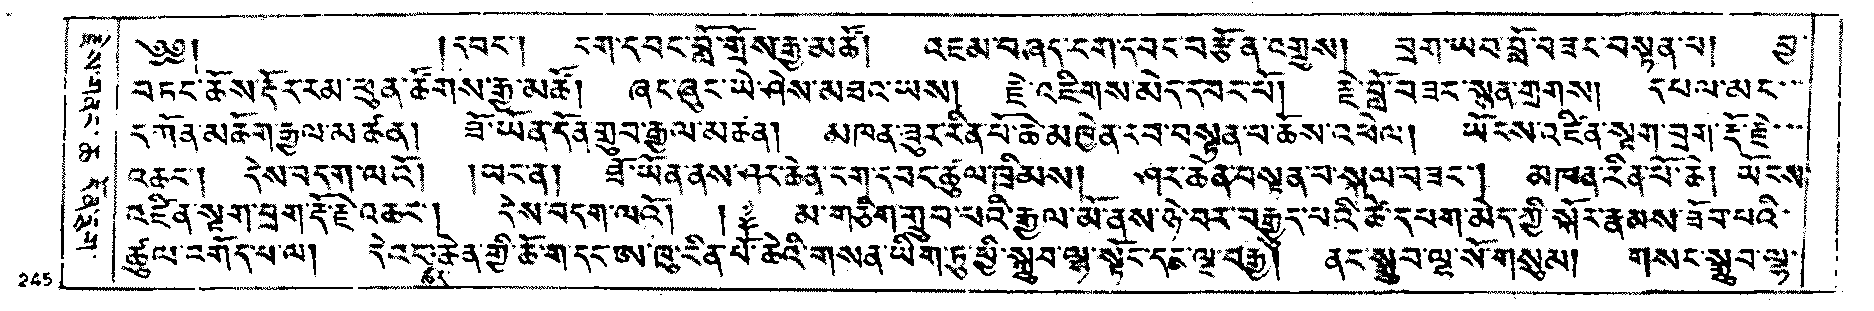༄༅། །དབང་། ངག་དབང་བློ་གྲོས་རྒྱ་མཚོ། འཇམ་བཞད་ངག་དབང་བརྩོན་འགྲུས། བྲག་ཡབ་བློ་བཟང་བསྟན་པ། བྱ་
བཏང་ཆོས་རྡོར་རམ་ཕུན་ཚོགས་རྒྱ་མཚོ། ཞང་ཞུང་ཡེ་ཤེས་མཐའ་ཡས། རྗེ་འཇིགས་མེད་དབང་པོ། རྗེ་བློ་བཟང་སྙན་གྲགས། དཔལ་མང་
དཀོན་མཆོག་རྒྱལ་མཚན། ཐོ་ཡོན་དོན་གྲུབ་རྒྱལ་མཚན། མཁན་ཟུར་རིན་པོ་ཆེ་མཁྱེན་རབ་བསྟན་པ་ཆོས་འཕེལ། ཡོངས་འཛིན་སྟག་བྲག་རྡོ་རྗེ་
འཆང་། དེས་བདག་ལའོ། །ཡང་ན། ཐོ་ཡོན་ནས་ཤར་ཆེན་ངག་དབང་ཚུལ་ཁྲིམས། ཤར་ཆེན་བསྟན་པ་སྐལ་བཟང་། མཁན་རིན་པོ་ཆེ། ཡོངས་
འཛིན་སྟག་བྲག་རྡོ་རྗེ་འཆང་། དེས་བདག་ལའོ། །༈ མ་གཅིག་གྲུབ་པའི་རྒྱལ་མོ་ནས་ཉེ་བར་བརྒྱུད་པའི་ཚེ་དཔག་མེད་ཀྱི་སྐོར་རྣམས་ཐོབ་པའི་
ཚུལ་འགོད་པ་ལ། དེའང་ཚར་ཆེན་གྱི་ཆོ་ག་དང་ཨ་ཁུ་རིན་པོ་ཆེའི་གསན་ཡིག་ཏུ་ཕྱི་སྒྲུབ་ལྷ་སྟོང་དང་ལྔ་བརྒྱ། ནང་སྒྲུབ་ལྷ་སོ་གསུམ། གསང་སྒྲུབ་ལྷ་